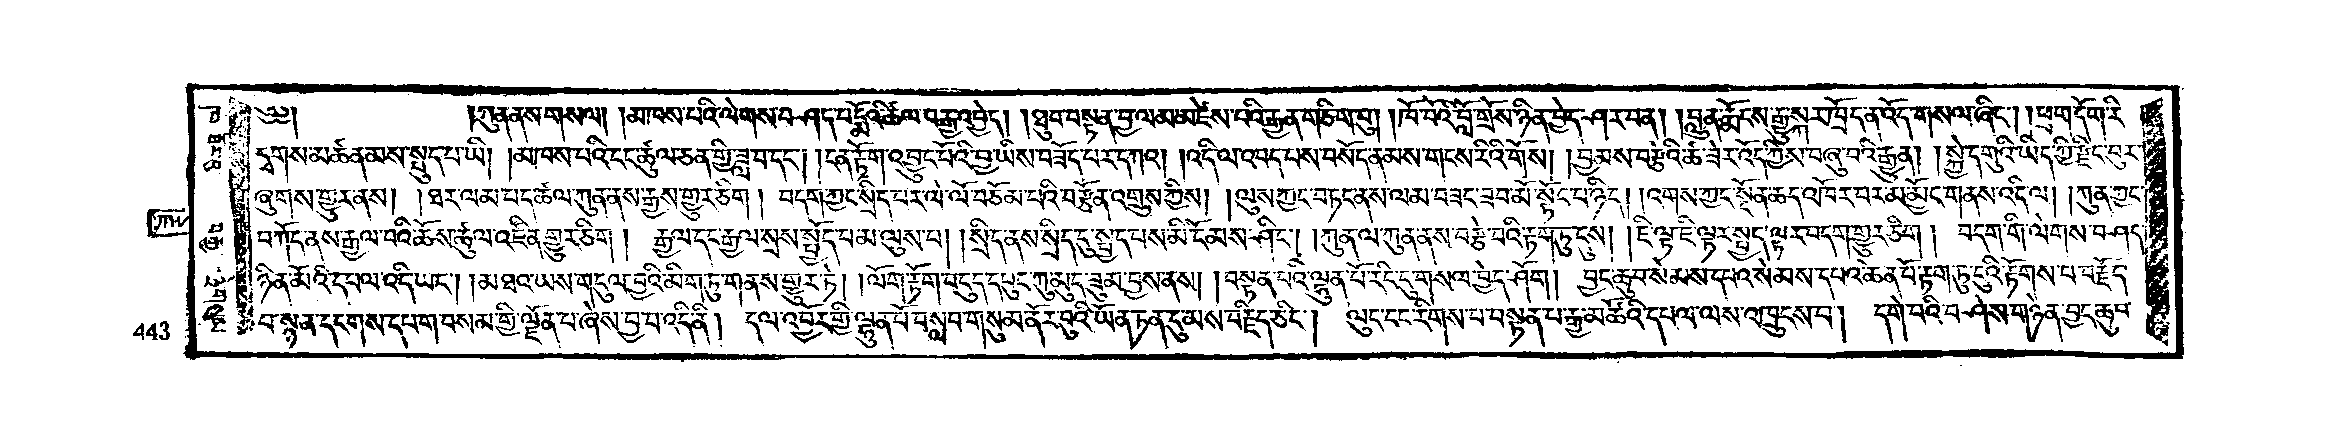༄༅། །ཀུན་ནས་གསལ། །མཁས་པའི་ལེགས་བཤད་པདམོའི་ཚལ་བརྒྱ་འབྱེད། །ཐུབ་བསྟན་བྱ་ལམ་མཛེས་པའི་རྒྱན་གཅིག་པུ། །ཁོ་བོའི་བློ་གྲོས་ཉིན་བྱེད་ཤར་པ་ན། །བླུན་རྨོངས་རྒྱུ་སྐར་ཁྲོད་ན་འོད་གསལ་ཞིང་། །ཕྲག་དོག་རི་
དྭགས་མཚན་མས་སྤུད་པ་ཡི། །མཁས་པའི་ངང་ཚུལ་ཅན་གྱི་ཟླ་བ་དང་། །ངན་རྟོག་འབྱུང་པོའི་བྱ་ཡིས་བཟོད་པར་དཀའ། །འདི་ལ་འབད་པས་བསོད་ནམས་གངས་རིའི་གོས། །བྱམས་བརྩེའི་ཚ་ཟེར་འོད་ཀྱིས་བཞུ་བའི་རྒྱུན། །སྐྱེ་དགུའི་ཡིད་ཀྱི་རྫིང་བུར་
ཞུགས་གྱུར་ནས། །ཐར་ལམ་པད་ཚལ་ཀུན་ནས་རྒྱས་གྱུར་ཅིག །བདག་ཀྱང་སྲིད་པར་ལེ་ལོ་བཅོམ་པའི་བརྩོན་འགྲུས་ཀྱིས། །ལུས་ཀྱང་བཏང་ནས་ལམ་བཟང་ཟབ་མོ་སྟོང་པ་ཉིད། །འགས་ཀྱང་སྔོན་ཆད་འཁོར་བར་མ་མྱོང་གནས་འདི་ལ། །ཀུན་ཀྱང་
བཀོད་ནས་རྒྱལ་བའི་ཆོས་ཚུལ་འཛིན་གྱུར་ཅིག །རྒྱལ་དང་རྒྱལ་སྲས་སྤྱོད་པ་མ་ལུས་པ། །སྲིད་ནས་སྲིད་དུ་སྤྱད་པས་མི་ངོམས་ཤིང་། །ཀུན་ལ་ཀུན་ནས་བརྩེ་བའི་རྟག་ཏུ་དུས། །ཇི་ལྟ་ཇི་ལྟར་སྤྱད་ལྟར་བདག་གྱུར་ཅིག །བདག་གི་ལེགས་བཤད་
ཉིན་མོའི་དཔལ་འདི་ཡང་། །མཐའ་ཡས་གདུལ་བྱའི་མིག་ཏུ་གནས་གྱུར་ཏེ། །ལོག་རྟོག་བདུད་དཔུང་ཀུ་མུད་ཟུམ་བྱས་ནས། །བསྟན་པའི་ལྷུན་པོ་རིང་དུ་གསལ་བྱེད་ཤོག །བྱང་ཆུབ་སེམས་དཔའ་སེམས་དཔའ་ཆེན་པོ་རྟག་ཏུ་ངུའི་རྟོགས་པ་བརྗོད་
པ་སྙན་དངགས་དཔག་བསམ་གྱི་ལྗོན་པ་ཞེས་བྱ་བ་འདི་ནི། དལ་འབྱོར་གྱི་ལྷུན་པོ་བསླབ་གསུམ་ནོར་བུའི་ཡོན་ཏན་དུ་མས་བརྗིད་ཅིང་། ལུང་དང་རིགས་པ་བསྟན་པ་རྒྱ་མཚོའི་དཔལ་ལས་འཁྲུངས་པ། དགེ་བའི་བཤེས་གཉེན་བྱང་ཆུབ་